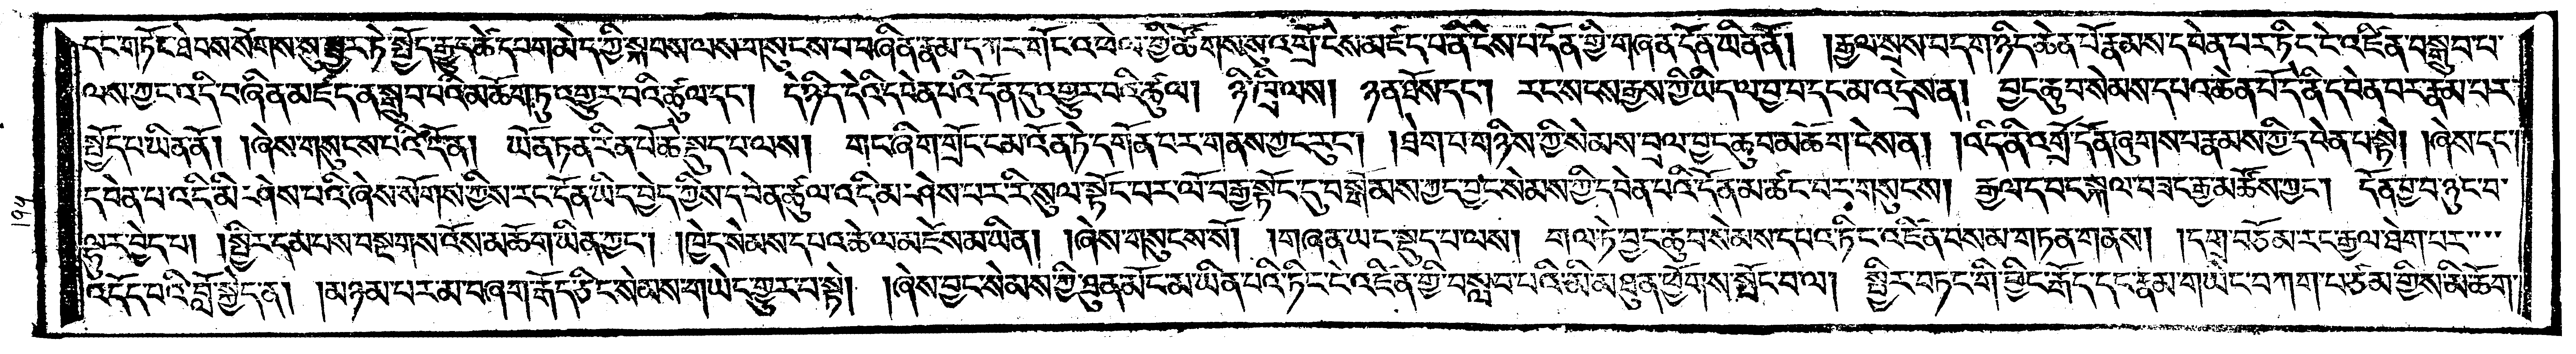དང་གཏོང་ཐེབས་སོགས་སུ་སྦྱར་ཏེ་སྤྱོད་རྒྱུད་ཚེ་དཔག་མེད་ཀྱི་སྐབས་ལས་གསུངས་པ་བཞིན་རྣམ་དཀར་གོང་འཕེལ་གྱི་ཚོགས་སུ་འགྲོ་ངེས་མཛད་པ་ནི་ངེས་པ་དོན་གྱི་གཞན་དོན་ཡིན་ནོ། །རྒྱལ་སྲས་བདག་ཉིད་ཆེན་པོ་རྣམས་དབེན་པར་ཏིང་ངེ་འཛིན་བསྒྲུབ་པ་
ལས་ཀྱང་འདི་བཞིན་མཛད་ན་སྒྲུབ་བའི་མཆོག་ཏུ་འགྱུར་བའི་ཚུལ་དང་། དེ་ཉིད་དེའི་དབེན་པའི་དོན་དུ་འགྱུར་བའི་ཚུལ། ཉི་ཁྲི་ལས། ཉན་ཐོས་དང་། རང་སངས་རྒྱས་ཀྱི་ཡིད་ལ་བྱ་བ་དང་མ་འདྲེས་ན། བྱང་ཆུབ་སེམས་དཔའ་ཆེན་པོ་དེ་ནི་དཔེན་བར་རྣམ་པར་
སྤྱོད་བ་ཡིན་ནོ། །ཞེས་གསུངས་བའི་དོན། ཡོན་ཏན་རིན་པོ་ཆེ་སྡུད་པ་ལས། གང་ཞིག་གྲོང་ངམ་འོན་ཏེ་དགོན་པར་གནས་ཀྱང་རུང་། །ཐེག་པ་གཉིས་ཀྱི་སེམས་བྲལ་བྱང་ཆུབ་མཆོག་ངེས་ན། །འདི་ནི་འགྲོ་དོན་ཞུགས་པ་རྣམས་ཀྱི་དབེན་པ་སྟེ། །ཞེས་དང་།
དབེན་པ་འདི་མི་ཤེས་པའི་ཞེས་སོགས་ཀྱིས་རང་དོན་ཡིད་བྱེད་ཀྱིས་དབེན་ཚུལ་འདི་མ་ཤེས་པར་རི་སུལ་སྟོང་བར་ལོ་བརྒྱ་སྟོང་དུ་བསྒོམས་ཀྱང་བྱང་སེམས་ཀྱི་དབེན་པའི་དོན་མ་ཚང་བར་གསུངས། རྒྱལ་དབང་སྐལ་བཟང་རྒྱ་མཚོས་ཀྱང་། དོན་བྱ་བ་ཉུང་བ་
ལྷུར་བྱེད་པ། །སྤྱིར་དམ་བས་བསྔགས་འོས་མཆོག་ཡིན་ཀྱང་། །ཁྱེད་སེམས་དཔའ་ཆེལ་མཛེས་མ་ཡིན། །ཞེས་གསུངས་སོ། །གཞན་ཡང་སྡུད་པ་ལས། གལ་ཏེ་བྱང་ཆུབ་སེམས་དཔའ་ཏིང་འཛིན་བསམ་གཏན་གནས། །དགྲ་བཅོམ་རང་རྒྱལ་ཐེག་པར་
འདོད་བའི་བློ་སྐྱེད་ན། །མཉམ་པར་མ་བཞག་རྒོད་ཅིང་སེམས་གཡེང་གྱུར་བ་སྟེ། །ཞེས་བྱང་སེམས་ཀྱི་ཐུན་མོང་མ་ཡིན་པའི་ཏིང་ངེ་འཛིན་གྱི་བསླབ་པའི་མི་མཐུན་ཕྱོགས་སྤོང་བ་ལ། སྤྱིར་བཏང་གི་བྱིང་རྒོད་དང་རྣམ་གཡེང་བཀག་པ་ཙམ་གྱིས་མི་ཆོག་